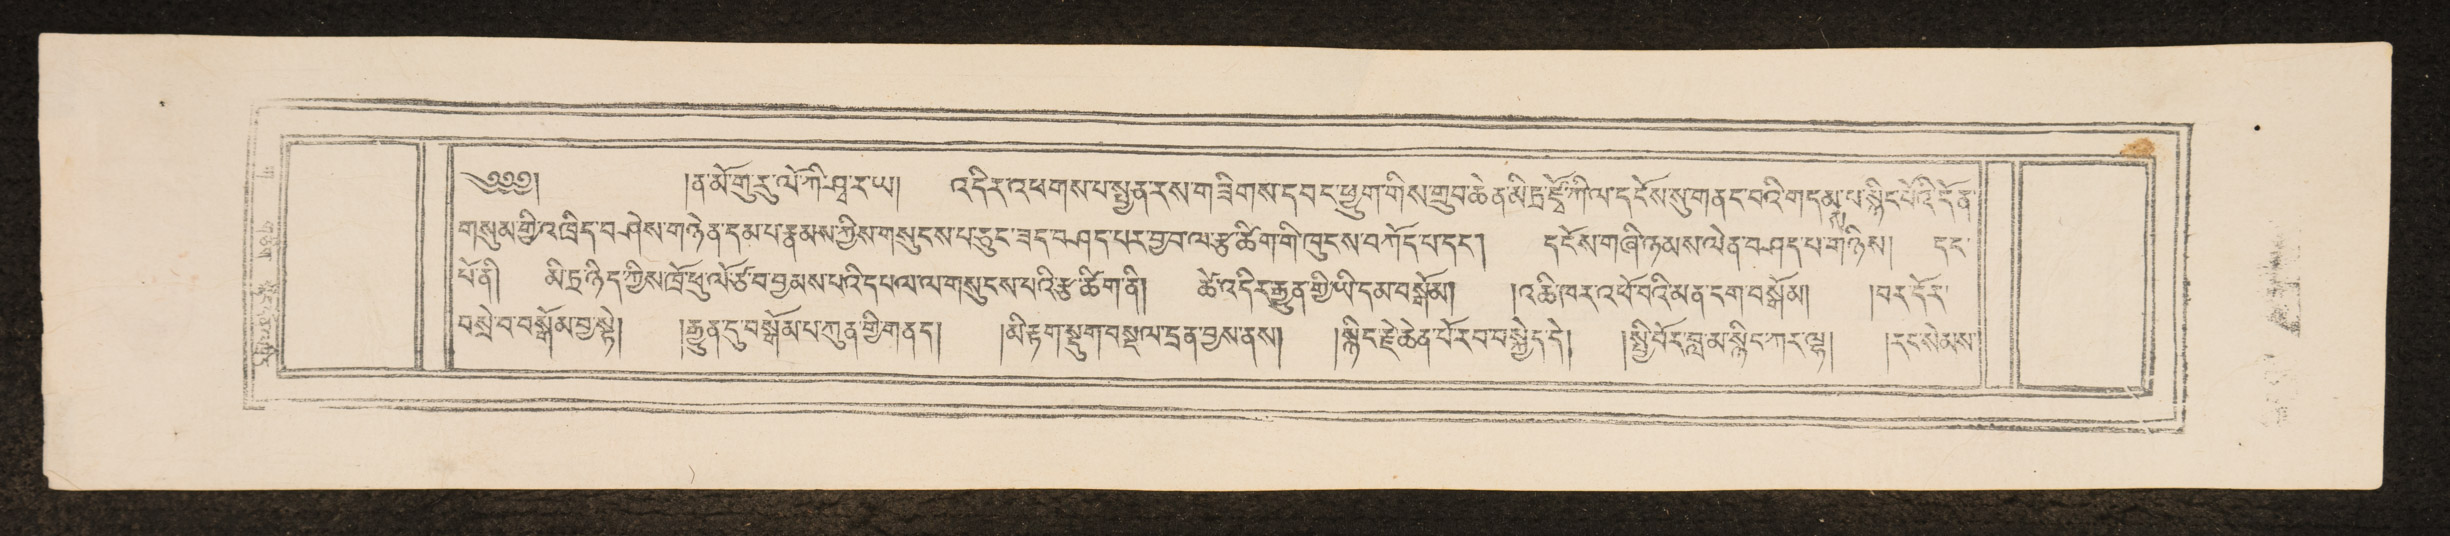༄༅༅། །ན་མོ་གུ་རུ་ལོ་ཀི་ཤྭ་ར་ཡ། འདིར་འཕགས་པ་སྤྱན་རས་གཟིགས་དབང་ཕྱུག་གིས་གྲུབ་ཆེན་མི་ཏྲ་ཛྭོ་ཀིལ་དངོས་སུ་གནང་བའི་གདམས་བསྙིང་པོའི་དོན་
གསུམ་གྱི་འཁྲིད་བཤེས་གཉེན་དམ་པ་རྣམས་ཀྱིས་གསུངས་པ་ཅུང་ཟད་བཤད་པར་བྱ་བ་ལ་རྩ་ཚིག་གི་ཁུངས་བཀོད་པ་དང་། དངོས་གཞི་ཉམས་ལེན་བཤད་པ་གཉིས། དང་
པོ་ནི། མི་ཏྲ་ཉིད་ཀྱིས་ཁྲོ་ཕུ་ལོ་ཙ་བ་བྱམས་པའི་དཔལ་ལ་གསུངས་པའི་རྩ་ཚིག་ནི། ཚེ་འདིར་རྒྱུན་གྱི་ཡི་དམ་བསྒོམ། །འཆི་ཁར་འཕོ་བའི་མན་ངག་བསྒོམ། །བར་དོར་
བསྲེ་བ་བསྒོམ་བྱ་སྟེ། །རྒྱུན་དུ་བསྒོམ་པ་ཀུན་གྱི་གནད། །མི་རྟག་སྡུག་བསྔལ་དྲན་བྱས་ནས། །སྙིང་རྗེ་ཆེན་པོར་བ་བསྐྱེད་དེ། །སྤྱི་བོར་བླ་མ་སྙིང་ཀར་ལྷ། །རང་སེམས་